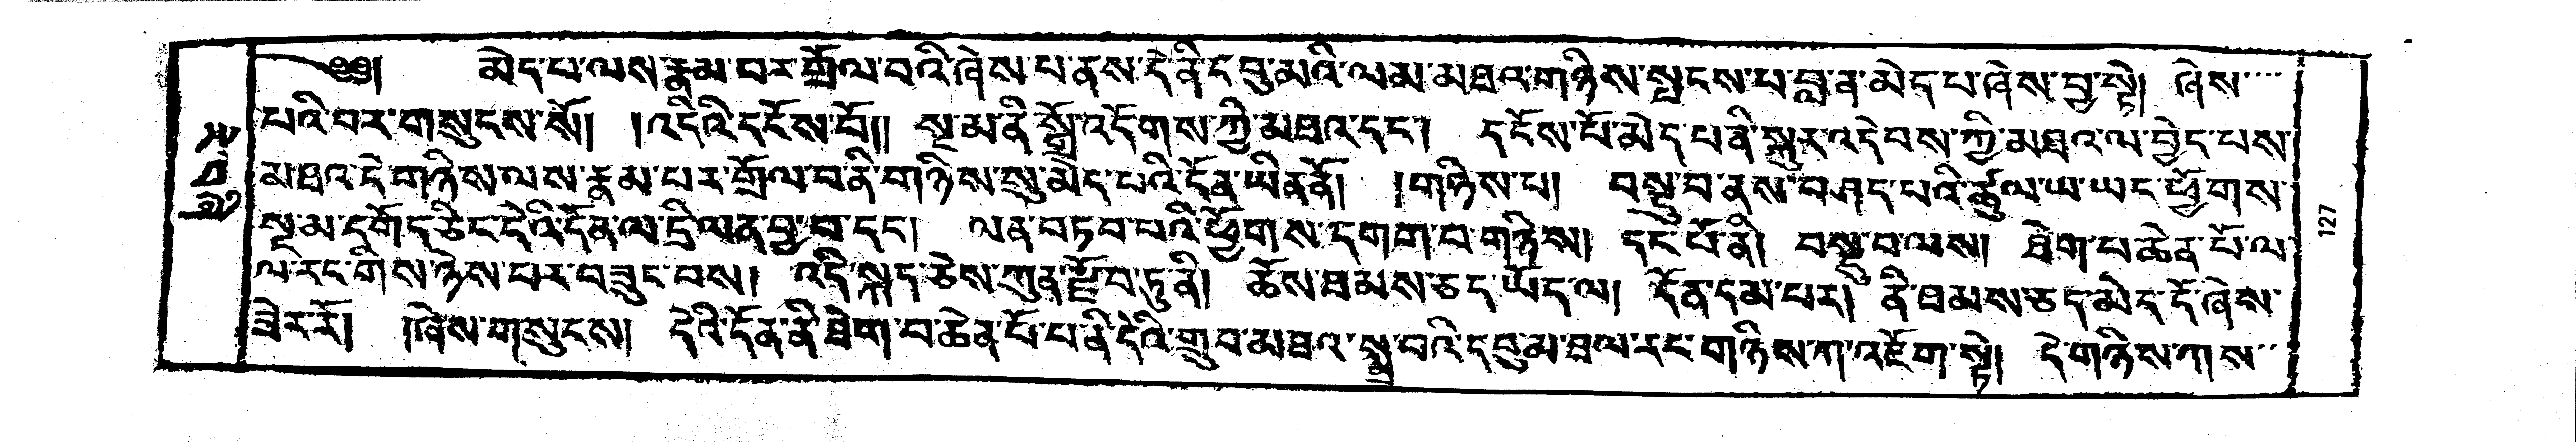༄༅། །མེད་པ་ལས་རྣམ་པར་གྲོལ་བའི་ཞེས་པ་ནས་དེ་ནི་དབུ་མའི་ལམ་མཐའ་གཉིས་སྤངས་པ་བླ་ན་མེད་པ་ཞེས་བྱ་སྟེ། ཞེས་
པའི་བར་གསུངས་སོ། །འདིའི་དངོས་པོ། །སྔ་མ་ནི་སྒྲོ་འདོགས་ཀྱི་མཐའ་དང་། དངོས་པོ་མེད་པ་ནི་སྐུར་འདེབས་ཀྱི་མཐའ་ལ་བྱེད་པས་
མཐའ་དེ་གཉིས་ལས་རྣམ་པར་གྲོལ་བ་ནི་གཉིས་སུ་མེད་པའི་དོན་ཡིན་ནོ། །གཉིས་པ། བསྡུ་བ་ནས་བཤད་པའི་ཚུལ་ཡ་ཡང་ཕྱོགས་
སྔ་མ་དགོད་ཅིང་དེའི་དོན་ལ་དྲི་ལན་བྱ་བ་དང་། ལན་བཏབ་པའི་ཕྱོགས་དགག་པ་གཉིས། དང་པོ་ནི། བསྡུ་བ་ལས། ཐེག་པ་ཆེན་པོ་ལ་
རང་གིས་ཉེས་པར་བཟུང་བས། འདི་སྐད་ཅེས་ཀུན་རྫོབ་ཏུ་ནི། ཆོས་ཐམས་ཅད་ཡོད་ལ། དོན་དམ་པར། ནི་ཐམས་ཅད་མེད་དོ་ཞེས་
ཟེར་རོ། །ཞེས་གསུངས། དེའི་དོན་ནི་ཐེག་པ་ཆེན་པོ་བ་ནི་དེའི་གྲུབ་མཐའ་སྨྲ་བའི་དབུ་མ་ཐལ་རང་གཉིས་ཀ་འཇོག་སྟེ། དེ་གཉིས་ཀས་